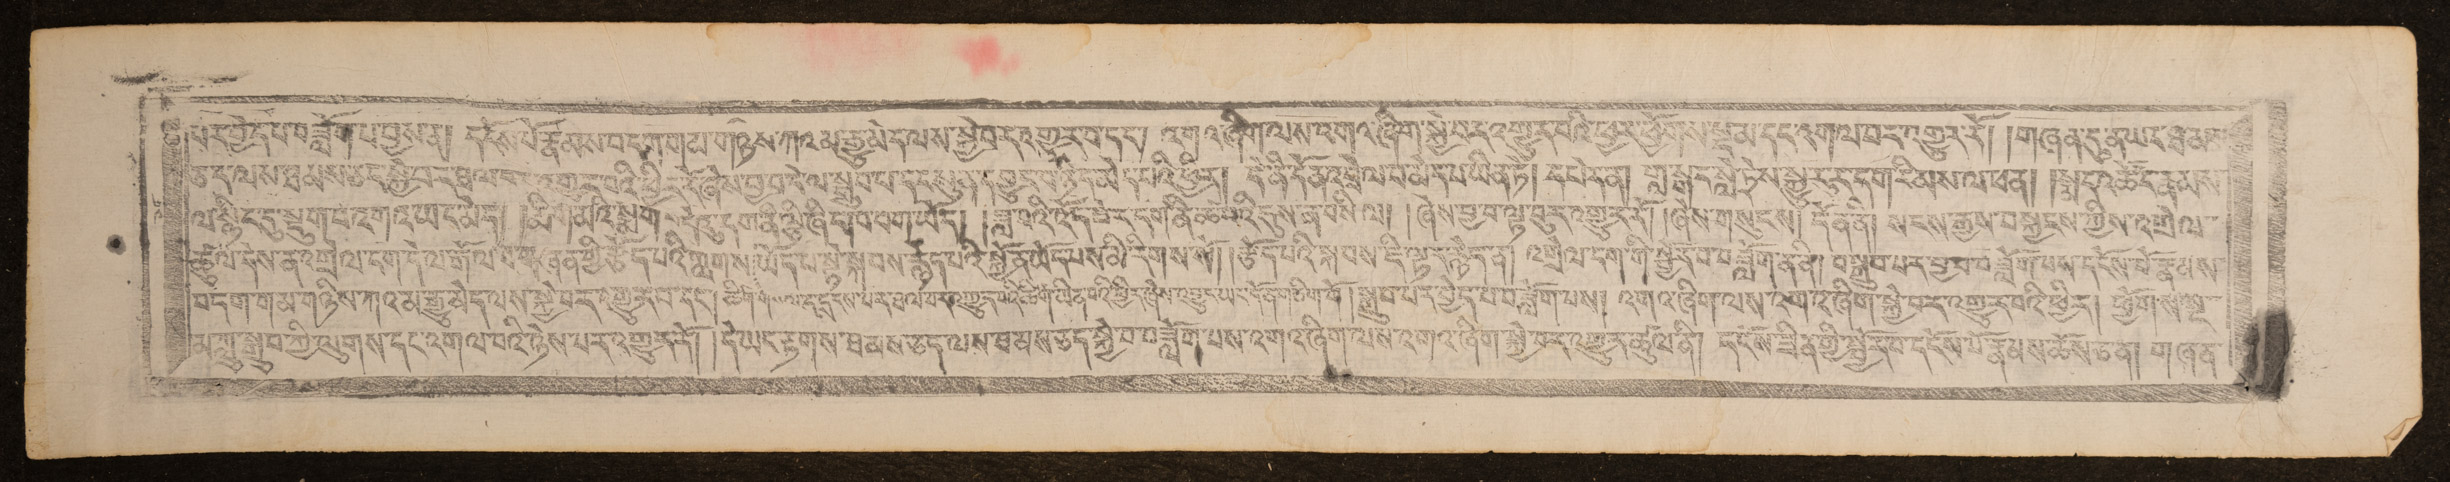པར་བྱེད་པ་བཟློག་པ་བྱས་ན། དངོས་པོ་རྣམས་བདག་གམ་གཉིས་ཀའམ་རྒྱུ་མེད་ལས་སྐྱེ་བར་འགྱུར་བ་དང་། འགའ་ཞིག་ལས་འགའ་ཞིག་སྐྱེ་བར་འགྱུར་བའི་ཕྱིར་ཕྱོགས་སྔ་མ་དང་འགལ་བར་འགྱུར་རོ། །གཞན་དུ་ན་ཡང་ཐམས་
ཅད་ལས་ཐམས་ཅད་སྐྱེ་བར་ཐལ་བར་འགྱུར་བའི་ཕྱིར་རོ་ཞེས་བྱ་བ་དེ་ལ་སྒྲུབ་པ་དང་སུན་དབྱུང་བ་ཉིད་མེད་པའི་ཕྱིར། དེ་ནི་དོན་འབྲེལ་བ་མེད་པ་ཡིན་ཏེ། དཔེར་ན། གླ་སྒང་སླེ་ཏྲེས་སྐྱུ་རུ་ར་དག་རིམས་ལ་ཕན། །སྨད་འཚོང་རྣམས་
ལ་སྙིང་དུ་སྡུག་པ་འགའ་ཡང་མེད། །རྨིག་མའི་སྨིག་བདེའུ་དག་ནི་ལྕི་ཞིང་ཁ་བག་ཡོད། །ཟླ་བའི་འོད་ཟེར་དག་ནི་ཚ་བའི་དུས་ན་བསིལ། །ཞེས་བྱ་བ་ལྟ་བུར་འགྱུར་རོ། །ཞེས་གསུངས། དོན་ནི། སངས་རྒྱས་བསྐྱངས་ཀྱིས་འགྲེལ་
ཚུལ་དེས་ན་འགྲེལ་ངག་དེ་ལ་རྒོལ་བ་གཞན་གྱི་རྩོད་པའི་གླགས་ཡོད་པ་སྟེ་སྐབས་རྙེད་པའི་སྐྱོན་ཡོད་པས་མི་རིགས་སོ། །རྩོད་པའི་སྐབས་ཇི་ལྟར་རྙེད་ན། འགྲེལ་ངག་གི་སྦྱོར་བ་བཟློག་ན་ནི། བསྒྲུབ་པར་བྱ་བ་བཟློག་པས་དངོས་པོ་རྣམས་
བདག་གམ་གཉིས་ཀའམ་རྒྱུ་མེད་ལས་སྐྱེ་བར་འགྱུར་བ་དང་། ཚིག་གསལ་དུ་དྲངས་པར་ཐལ་བར་འགྱུར་བའི་ཚིག་ཡིན་པའི་ཕྱིར་ཞེས་འབྱུང་ཡང་དོན་གཅིག་གོ ། སྒྲུབ་པར་བྱེད་པ་བཟློག་པས། འགའ་ཞིག་ལས་འགའ་ཞིག་སྐྱེ་བར་འགྱུར་བའི་ཕྱིར། ཕྱོགས་སྔ་
མ་ཀླུ་སྒྲུབ་ཀྱི་ལུགས་དང་འགལ་བའི་ཉེས་པར་འགྱུར་རོ། །དེ་ཡང་རྟགས་ཐམས་ཅད་ལས་ཐམས་ཅད་སྐྱེ་བ་བཟློག་པས་འགའ་ཞིག་ལས་འགའ་ཞིག་སྐྱེ་བར་འགྱུར་ཚུལ་ནི། དངོས་ཟིན་གྱི་སྦྱོར་བ་དངོས་པོ་རྣམས་ཆོས་ཅན། གཞན་